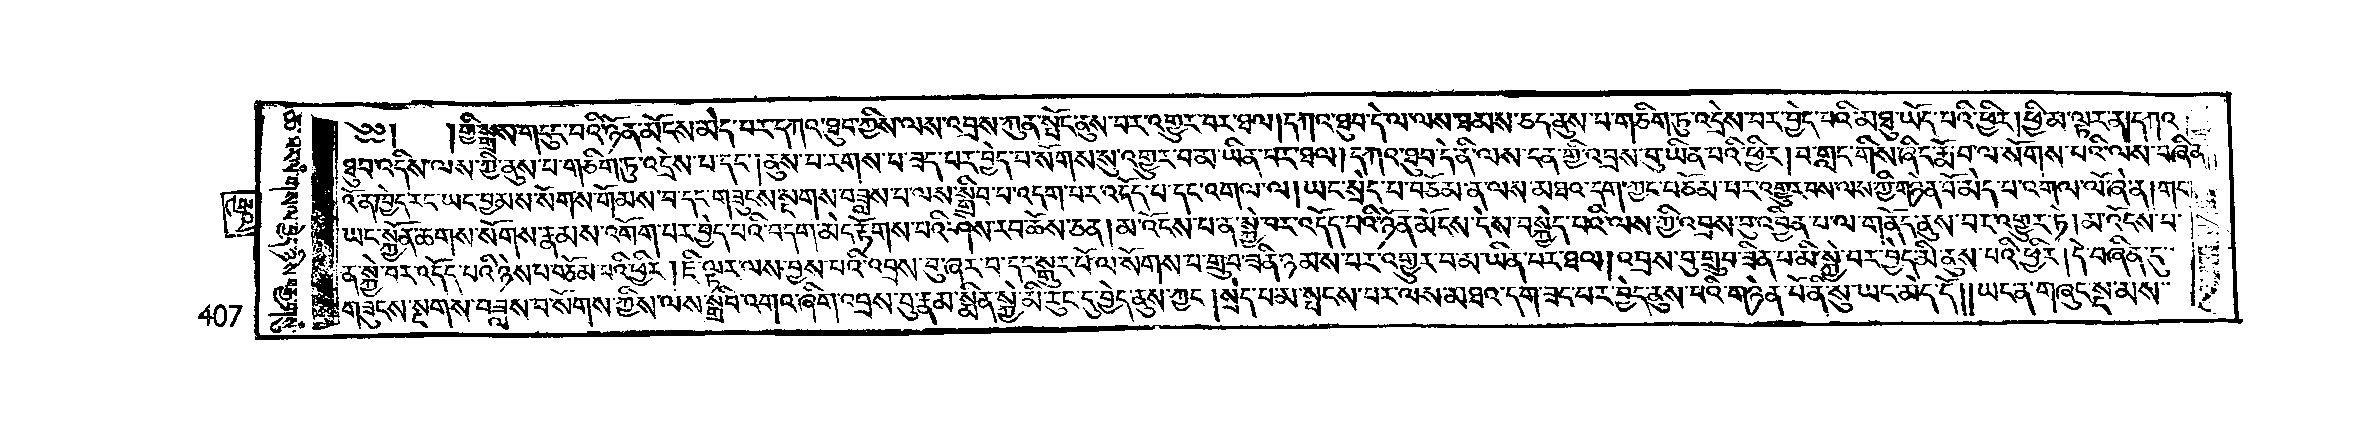༄༅། །གྱི་སྒྲས་གདུང་བའི་ཉོན་མོངས་མེད་པར་དཀའ་ཐུབ་ཀྱིས་ལས་འབྲས་ཀུན་སྤོང་ནུས་པར་འགྱུར་བར་ཐལ། དཀའ་ཐུབ་དེ་ལ་ལས་ཐམས་ཅད་ནུས་པ་གཅིག་ཏུ་འདྲེས་བར་བྱེད་པའི་མཐུ་ཡོད་པའི་ཕྱིར། ཕྱི་མ་ལྟར་ན། དཀའ་
ཐུབ་འདིས་ལས་ཀྱི་ནུས་པ་གཅིག་ཏུ་འདྲེས་པ་དང་། ནུས་པ་རགས་པ་ཟད་པར་བྱེད་པ་སོགས་སུ་འགྱུར་བ་མ་ཡིན་པར་ཐལ། དཀའ་ཐུབ་དེ་ནི་ལས་ངན་གྱི་འབྲས་བུ་ཡིན་པའི་ཕྱིར། བ་གླང་གིས་ཞིང་རྨོ་བ་ལ་སོགས་པའི་ལས་བཞིན་
འོ་ན་ཁྱེད་རང་ཡང་བྱམས་སོགས་གོམས་པ་དང་གཟུངས་སྔགས་བཟླས་པ་ལས་སྒྲིབ་པ་འདག་པར་འདོད་པ་དང་འགལ་ལ། ཡང་སྲེད་པ་བཅོམ་ན་ལས་མཐའ་དག་ཀྱང་བཅོམ་པར་འགྱུར་བས་ལས་ཀྱི་གཉེན་པོ་མེད་པ་འགལ་ལོ་ཞེ་ན། གང་
ཡང་སྐྱོན་ཆགས་སོགས་རྣམས་འགོག་པར་བྱེད་པའི་བདག་མེད་རྟོགས་པའི་ཤེས་རབ་ཆོས་ཅན། མ་འོངས་པ་ན་སྐྱེ་བར་འདོད་པའི་ཉོན་མོངས་དེས་བསྐྱེད་པའི་ལས་ཀྱི་འབྲས་བུ་འབྱིན་པ་ལ་གནོད་ནུས་པར་འགྱུར་ཏེ། མ་འོངས་པ་
ན་སྐྱེ་བར་འདོད་པའི་ཉེས་པ་བཅོམ་པའི་ཕྱིར། ཇི་ལྟར་ལས་བྱས་པའི་འབྲས་བུ་ཞར་བ་དང་སྒུར་པོ་ལ་སོགས་པ་གྲུབ་ཟིན་ཉམས་པར་འགྱུར་བ་མ་ཡིན་པར་ཐལ། འབྲས་བུ་གྲུབ་ཟིན་པ་མི་སྐྱེ་བར་བྱེད་མི་ནུས་པའི་ཕྱིར། དེ་བཞིན་དུ་
གཟུངས་སྔགས་བཟླས་བ་སོགས་ཀྱིས་ལས་སྒྲིབ་འགའ་ཞིག་འབྲས་བུ་རྣམ་སྨིན་སྐྱེ་མི་རུང་དུ་བྱེད་ནུས་ཀྱང་། སྲེད་པ་མ་སྤངས་པར་ལས་མཐའ་དག་ཟད་པར་བྱེད་ནུས་པའི་གཉེན་པོ་ནི་སུ་ཡང་མེད་དོ། །ཡང་ན་གཞུང་སྔ་མས་